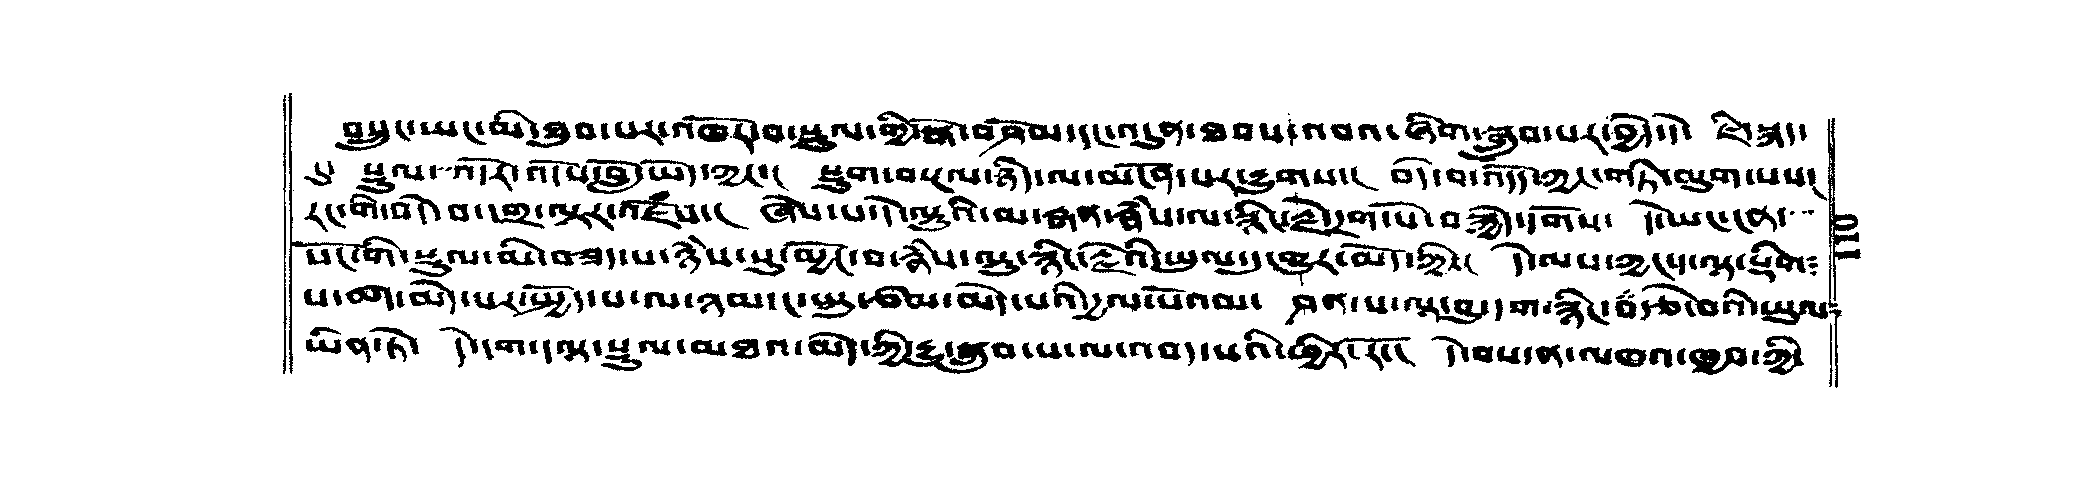བསྲུང་ཡང་མི་ཐུབ་པར་འཁོར་བ་སྡུག་བསྔལ་གྱི་སྒོ་བཤོམ་དང་འདུན་ཐབས་འབའ་ཞིག་སྒྲུབ་པར་བྱེད་དོ། ཇི་སྐད་
དུ། སྡུག་བསྔལ་འདོར་འདོས་བློ་ཡོད་ཀྱང་། སྡུག་བསྔལ་ཉིད་ལ་མངོན་པར་རྒྱུགས། བདེ་བ་འདོད་ཀྱང་གཏི་མུག་པས་
རང་གི་བདེ་བ་དགྲ་ལྟར་འཇོམས། ཞེས་པ་དེ་ལྟ་བུའི་མ་རྒན་རྣམས་ལ་སྙིང་རྗེ་དྲག་པོ་བསྐྱེད་དགོས། དེ་ཡང་ངན་
སོང་གི་སྡུག་བསྔལ་མི་བཟད་པ་ཉམས་སུ་མྱོང་བ་རྣམས་ལྟ་བུ་སྙིང་རྗེའི་ཡུལ་དུ་གྱུར་མོད་ཀྱི། དེ་ལས་ཀྱང་ད་ལྟ་སྡིག་
པ་ཚད་མེད་པར་སྤྱོད་པ་ལ་ཉམ་ང་སྤུ་ཙམ་མེད་པའི་རྒྱལ་པོའམ། ཤན་པ་ལྟ་བུ་དག་སྙིང་རྩེ་བའི་ཡུལ་
ཡིན་ཏེ། དེ་དག་ད་ལྟ་སྡུག་བསྔལ་མཐའ་མེད་ཀྱི་རྒྱུ་སྒྲུབ་པ་ལ་འབད་པའི་ཕྱིར་རོ། དེ་བས་ན་མཁའ་ཁྱབ་ཀྱི་